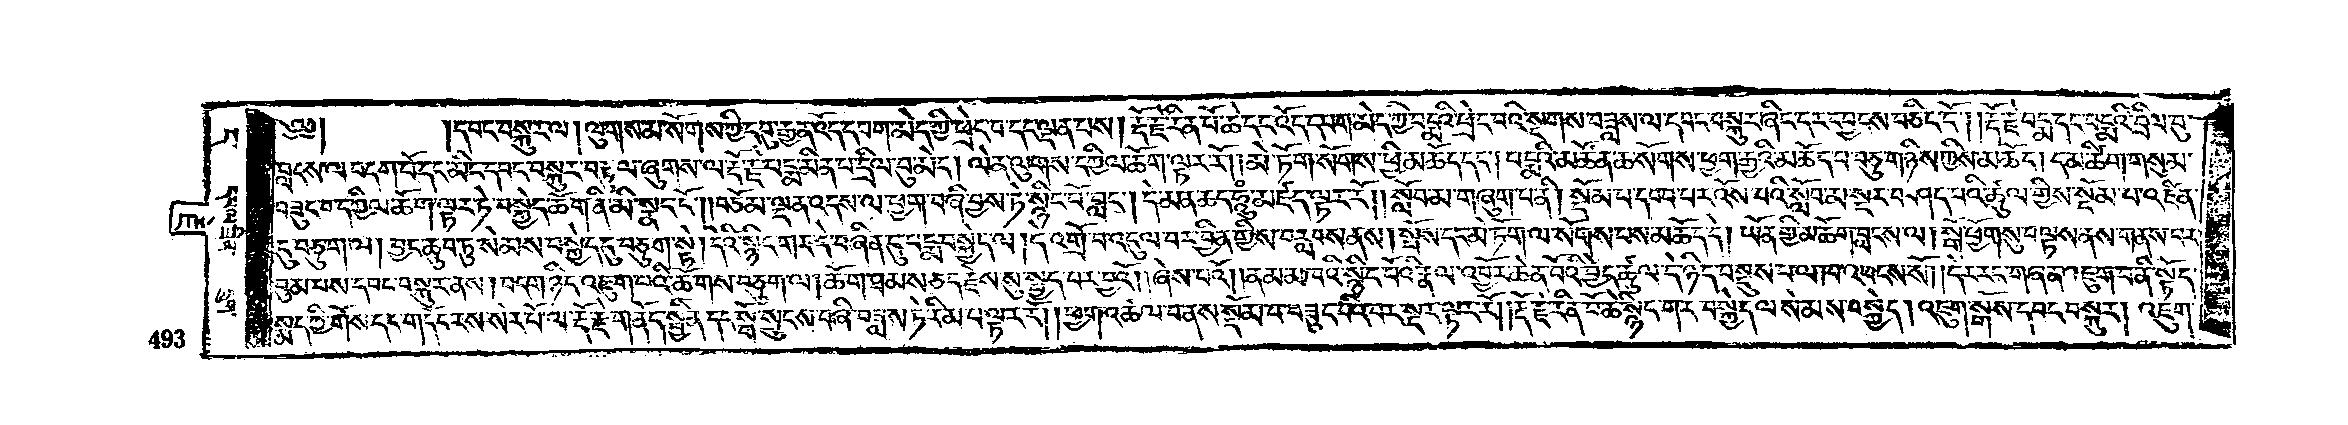༄༅། །དབང་བསྐུར་ལ། ལུགས་མ་སོགས་ཀྱི་དབུ་རྒྱན་འོད་དཔག་མེད་ཀྱི་ཕྲེང་བ་དང་ལྡན་པས། རྡོ་རྗེ་རིན་པོ་ཆེ་དང་འོད་དཔག་མེད་ཀྱི་པདམའི་ཕྲེང་བའི་སྔགས་བཟླས་ལ་དབང་བསྐུར་ཞིང་དར་དབྱངས་བཅིང་ངོ། །རྡོ་རྗེ་པདམ་དང་པདམའི་བྲིལ་བུ་
བླངས་ལ་བདག་པོ་དང་མིང་དབང་བསྐུར་བརྟུལ་ཞུགས་ལ་རྡོ་རྗེ་པདམ་མིན་པ་དྲིལ་བུ་མེད། ལེན་ལུགས་དཀྱིལ་ཆོག་ལྟར་རོ། །མེ་ཏོག་སོགས་ཕྱི་མཆོད་དང་། པདམའི་མཚོན་ཆ་སོགས་ཕྱག་རྒྱའི་མཆོད་པ་བཅུ་གཉིས་ཀྱིས་མཆོད། དམ་ཚིག་གསུམ་
བཟུང་བ་དཀྱིལ་ཆོག་ལྟར་ཏེ་བསྐྱེད་ཆོག་ནི་མི་སྣང་ངོ། །བཅོམ་ལྡན་འདས་ལ་ཕྱག་བཞི་བྱས་ཏེ་སྙིང་པོ་བླང་། དེ་མན་ཆད་ཧཱུཾ་མཛད་ལྟར་རོ། །སློབ་མ་གཞུག་པ་ནི། སྡོམ་པ་དབབ་པར་འོས་པའི་སློབ་མ་སྔར་བཤད་པའི་ཚུལ་གྱིས་སྡོམ་པ་འཛིན་
དུ་བཅུ་ག་ལ། བྱང་ཆུབ་ཏུ་སེམས་བསྐྱེད་དུ་བཅུ་ག་སྟེ། དེའི་སྙིང་གར་དེ་བཞིན་དུ་པདམ་སྐྱེད་ལ། དེ་འགྲོ་བ་འདུལ་བར་བྱིན་གྱིས་བརླབས་ནས། སྤོས་དང་མེ་ཏོག་ལ་སོགས་པས་མཆོད་དེ། ཡོན་གྱི་མཆོག་བླངས་ལ། སྒོ་ཕྱོགས་སུ་བལྟས་ནས་གནས་པར་
བུམ་པས་དབང་བསྐུར་ནས། བདག་ཉིད་འཇུག་པའི་ཆོ་གས་བཅུག་ལ། ཆོ་ག་ཐམས་ཅད་རྗེས་སུ་སྤྱད་པར་བྱའོ། །ཞེས་པའོ། །ནམ་མཁའི་སྙིང་པོའི་རྣལ་འབྱོར་ཆེན་པོའི་བྱེད་ཚུལ་དེ་ཉིད་བསྡུས་པ་ལ་ཁ་འཕངས་སོ། །དེར་རང་གཞན་འཇུག་པ་ནི་སྟོད་
སྨད་ཀྱི་གོས་དང་གདོང་རས་སེར་པོ་ལ་རྡོ་རྗེ་གནོད་སྦྱིན་དང་སྒོ་སྲུངས་བཞི་བཟླས་ཏེ་རིམ་པ་ལྟར་རོ། །ཕྱག་འཚལ་བ་ནས་སྡོམ་པ་བཟུང་བའི་བར་སྔར་ལྟར་རོ། །རྡོ་རྗེ་རིན་པོ་ཆེ་སྙིང་གར་བསྐྱེད་ལ་སེམས་བསྐྱེད། འཇུག་སྒོས་དབང་བསྐུར། འཇུག་